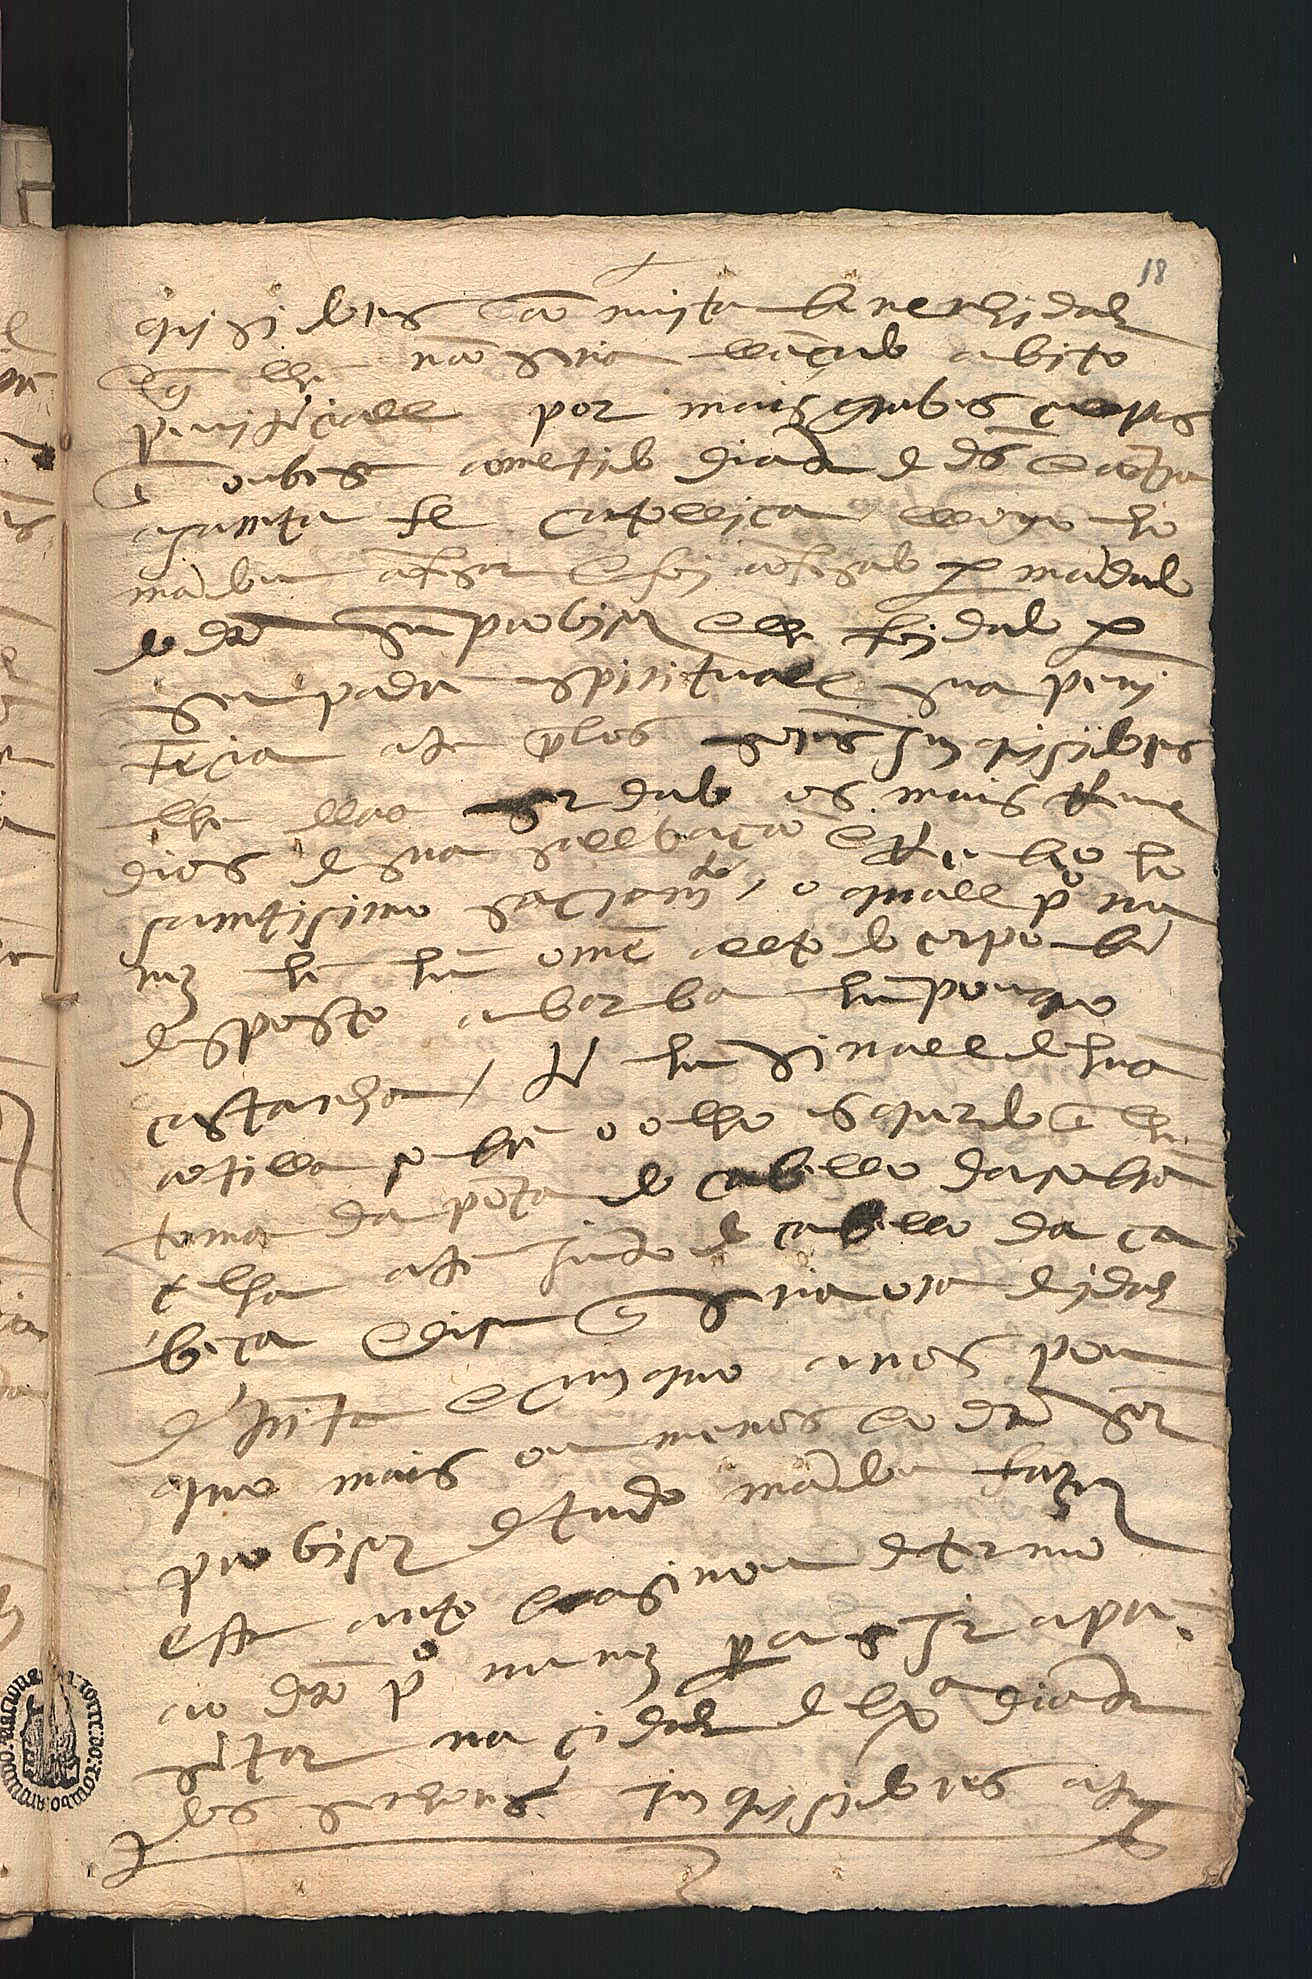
qujsidores c̄o mujta benenhidade
e q̄ lhe não seria llāçado abito
penjtēciall por mais graves cullpas
q̄ ouvese cometido diāte de ds̄ e cōtra
a samta fe catolljca / e llogo ho
mādou cōfesar e foj c̄ofesado ꝑ mādado
do dt̄o s̄or provjsor e lhe foj dado ꝑ
seu padre espirituall sua penj
tēcia ate p̄los sor̄es Jmqujsidores
lhe llaa ser dado os mais Reme
dios de sua sallvação e Recebeo ho
samtisimo sacramto / o quall po nu
nez he hū omē allto do corpo bē
desposto a barba hū pouquo
castanha / tē hū sinall de huā
cotilla sobre o olho esquerdo q̄ lhe
toma da pōta do cabello da sobrā
celha ate Jūto de cabello da ca
beça e dise q̄ seria ora de jdade
de trīta e cimquo anos pou
quo mais ou menos e o dtō sōr
provisor de tudo mādou fazer
este auto e o asinou de termo
ao dit̄o po nunez ꝑa se Jr apre
sētar na cidade de lxa diāte
dos senhores jmqujsidores ate
